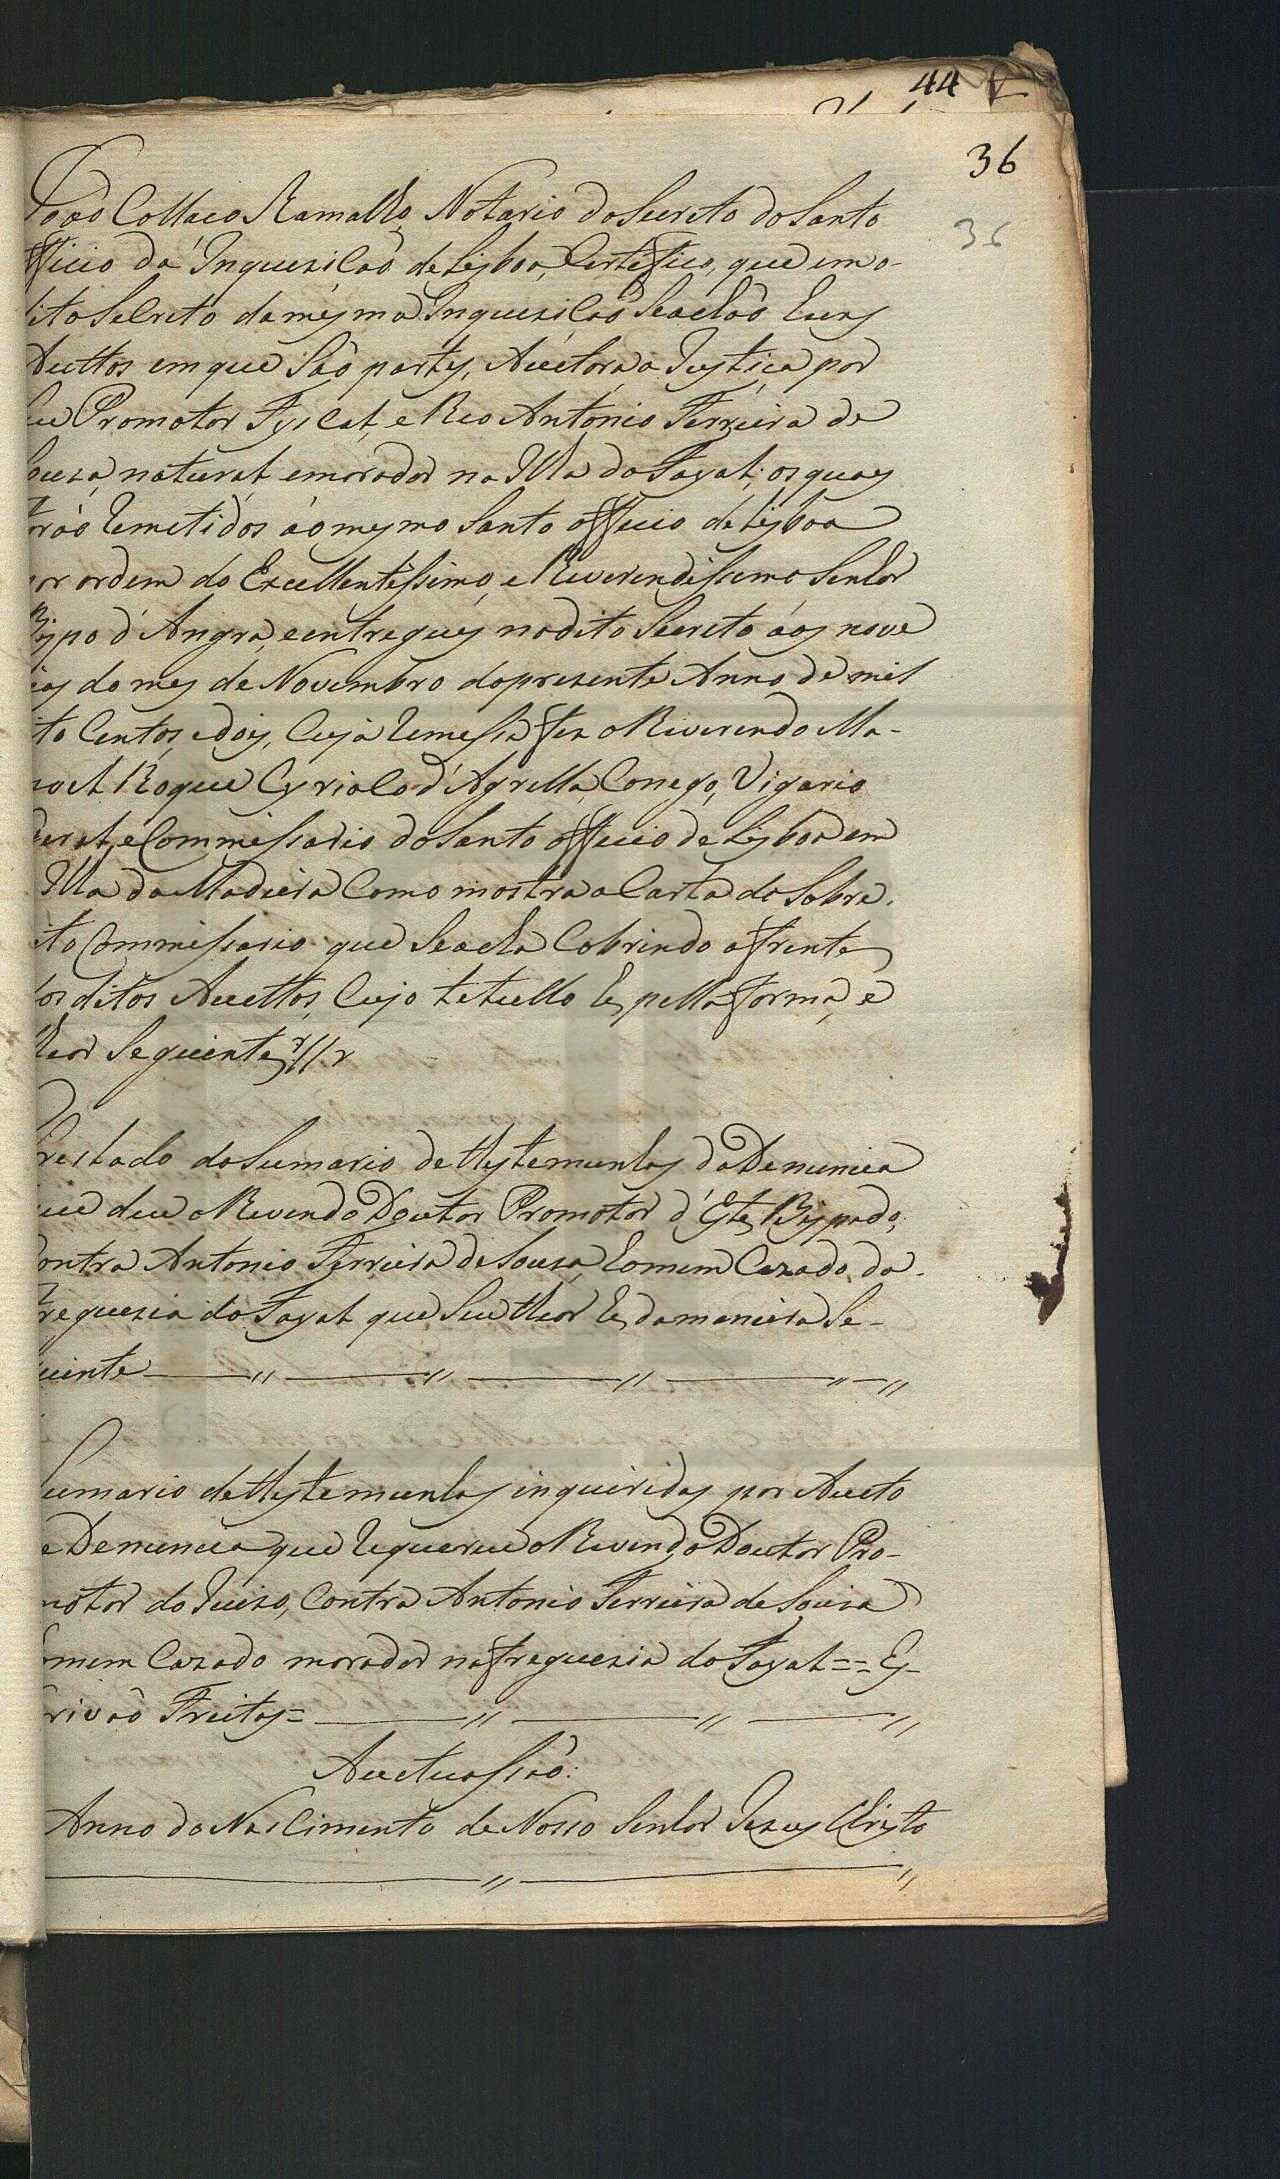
Ioaõ Collaço Ramalho, Notario do Secreto do Santo
ficio da InquiziÇaõ de Lisboa, Certefico, que em o
ito SeCreto da mesma InquiziÇaõ Se achaõ huns
Auttos em que Saõ partes, Auctora a Iustiça por
u Promotor FysCal, e Reo Antonio Ferreira de
ouza, natural, e morador na Ilha do Fayal; os quaes
raõ Remetidos áo mesmo Santo officio de Lisboa
or ordem do Excellentisismo, e Reverendissimo Senhor
Bispo d'Angra, e entregues no dito Secreto áos nove
as do mes de Novembro do prezente Anno de mil
toCentos, e dois, Cuja Remessa fez o Riverendo Ma
oel Roque CyrioCo d'Agrella, Conego, Vigario
eral e Commissario do Santo officio de Lisboa em
Ilha da Madeira Como mostra a Carta do Sobre
to Commissario que Se acha Cobrindo a frente
os ditos Aucttos, Cujo titullo he pella forma, e
heor Seguinte r//r
reslado do Sumario de thestemunhos da Denuncia
ue deu o Reverendo Doutor Promotor d'Este Bispado,
ontra Antonio Ferreira de Souza, homem Cazado, da
reguezia do Fayal que Seu theor he da maneira Se
uinte
Sumario de thestemunhas inquiridas por Aucto
e Denuncia que Requereu o Revendo Doutor Pro
otor do Iuizo, Contra Antonio Ferreira de Souza
mem Cazado morador na freguezia do Fayal = = Es
rivaõ Freitas=
Auctuassaõ:
Anno do NasCimento de Nosso Senhor Iezus Christo
